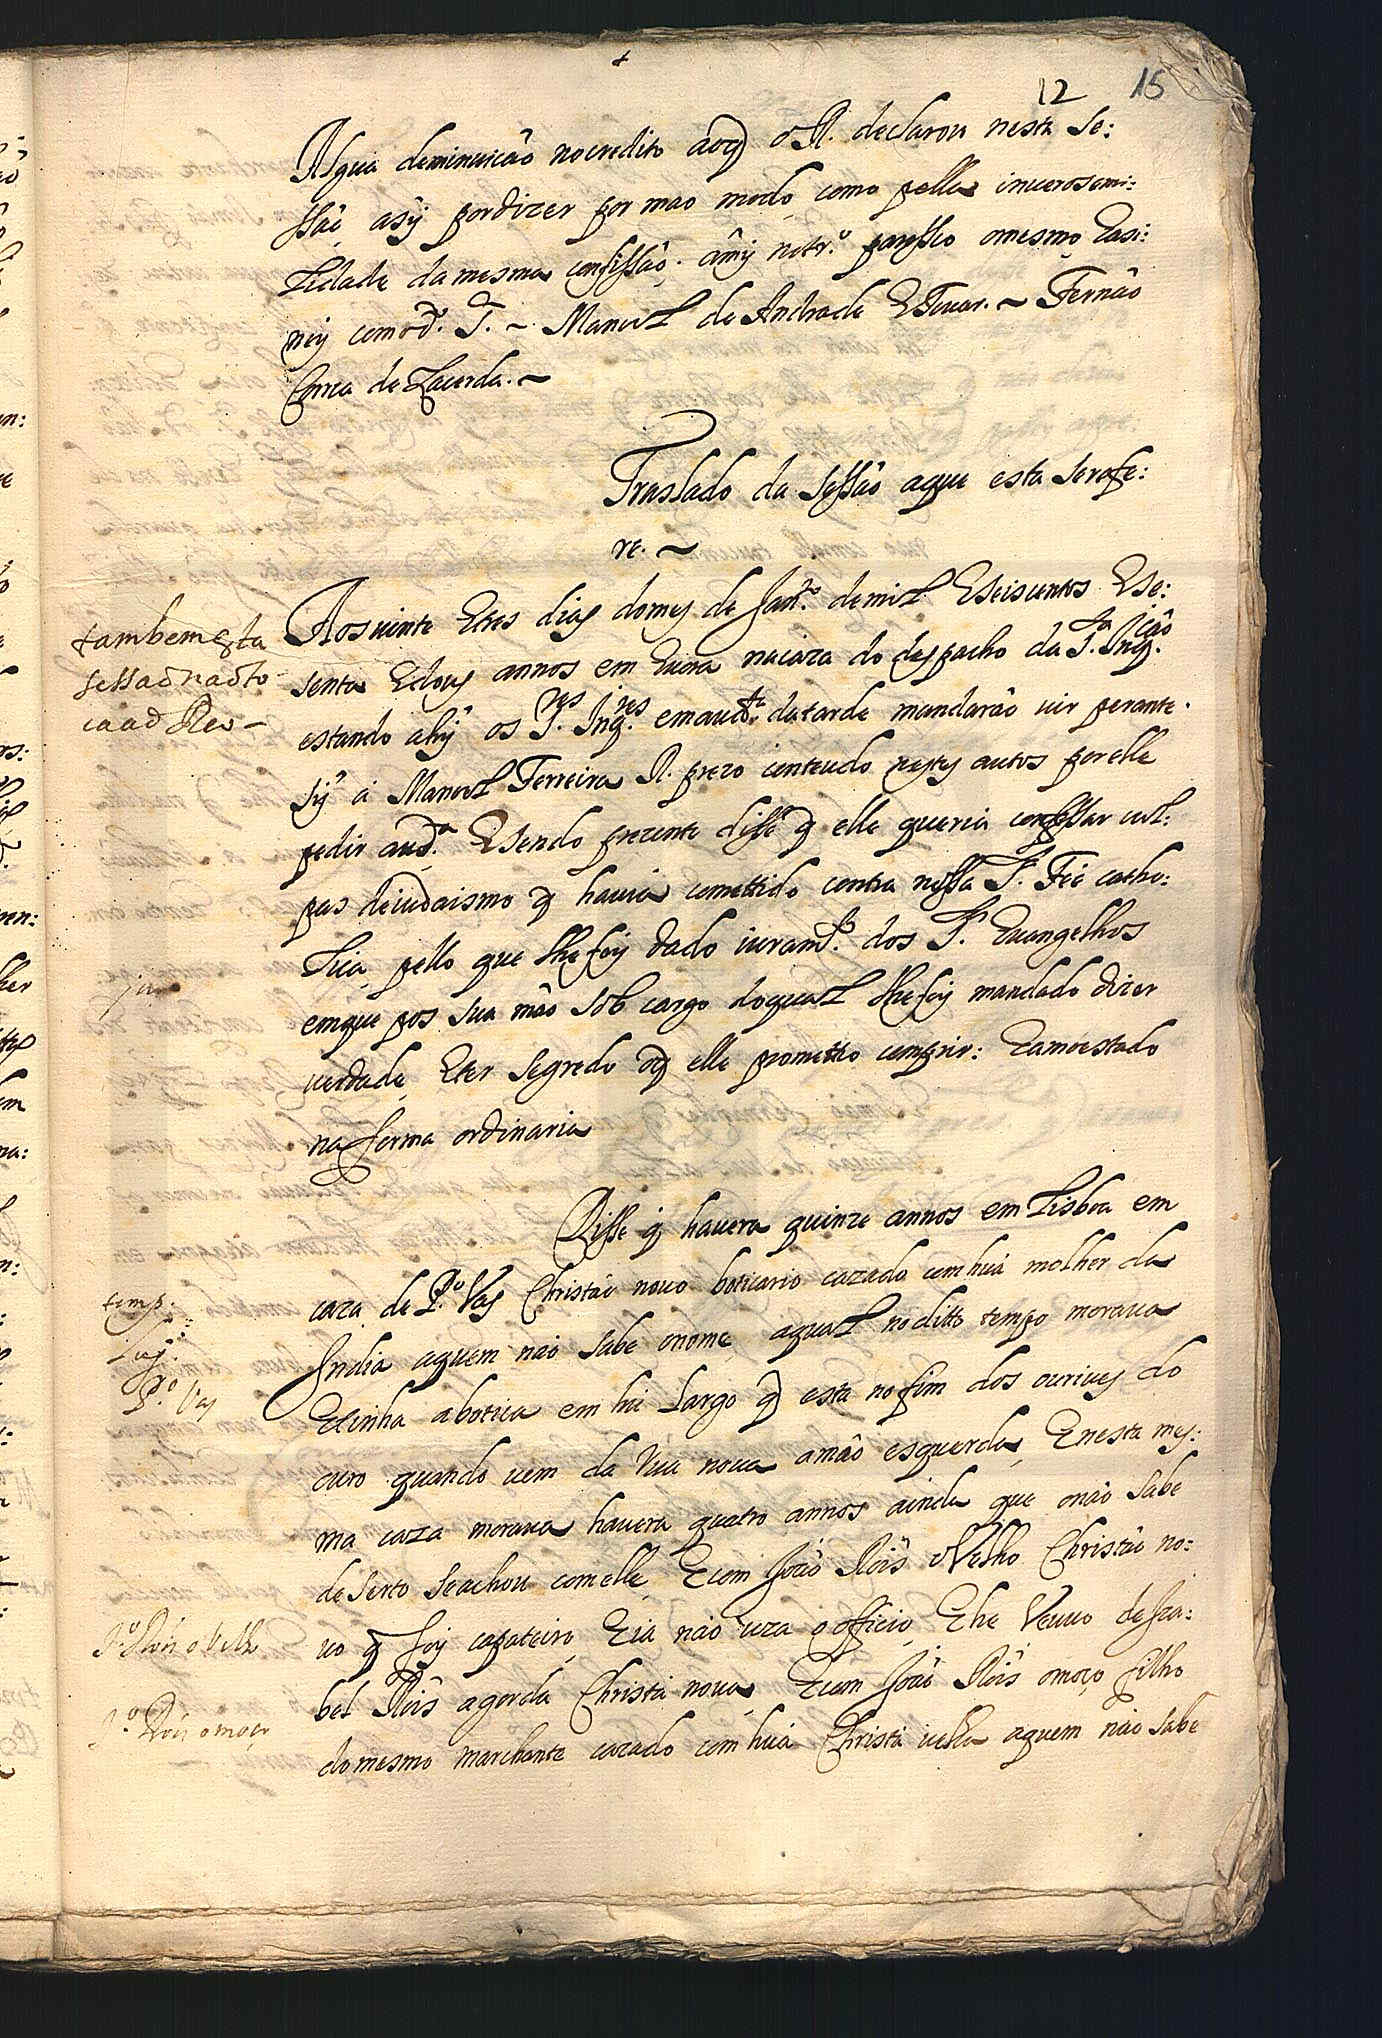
Algua deminuicaõ no credito ao q̄ o R. declarou nesta Se
ssaõ, asy por dizer por mao modo, como pella inuerosemi
Lidade da mesma confissaõ; a my notr.o paresseo o mesmo, E asi
ney com o d̄o. Sor.~. Manoel de Andrade E Touar. ~ Fernaõ
Correa de Lacerda. ~
Traslado da Sessaõ a que esta se refe
re. ~
Aos uinte E tres dias do mes de Jan.ro de miL E seiscentos E se
senta E dous annos em Euora na caza do despacho da Sta. Inqcaõ.
estando ahy os Sres. Inqres. em aud̄a. da tarde mandaraõ uir perante
Sy a Manoel Ferreira R. prezo conteudo nestes autos por elle
pedir aud̄a; E sendo prezente disse q̄ elle queria confessar cul
pas de iudaismo q̄ hauia comettido contra nossa Sta. Feé catho
Lica, pello que lhe foy dado iuram.to dos Stos. Euangelhos
em que pos sua mão sob cargo do quaL lhe foy mandado dizer
uerdade, E ter Segredo o q̄ elle prometteo cumprir: E amoestado
na forma ordinaria
Disse q̄ hauera quinze annos em Lisboa em
caza de P.o Vas Christaõ nouo boticario cazado com huā molher da
temp.
Jndia a quem naõ sabe o nome, a qual no ditto tempo moraua
Lug.
E tinha a botica em hū Largo q̄ esta no fim dos ouriues do
P.o Vas
ouro quando uem da Rua noua a maõ esquerda, E nesta mes
ma caza moraua hauera quatro annos ainda que o naõ Sabe
de Serto Se achou com elle, E com Joaõ Rois̄ o Velho Christão no
uo q̄ foy capateiro, E ia não uza o officio, E he Veuuo de Jza
I.o Rois̄ o Velho
bel Rois̄ a gorda Christā noua, E com Joaõ Rois̄ o moço filho
J.o Rois̄ o moço
do mesmo marchante cazado com huā Christā uelha a quem naõ Sabe
tambem esta
sessaõ naõ to
ca ao Reo
